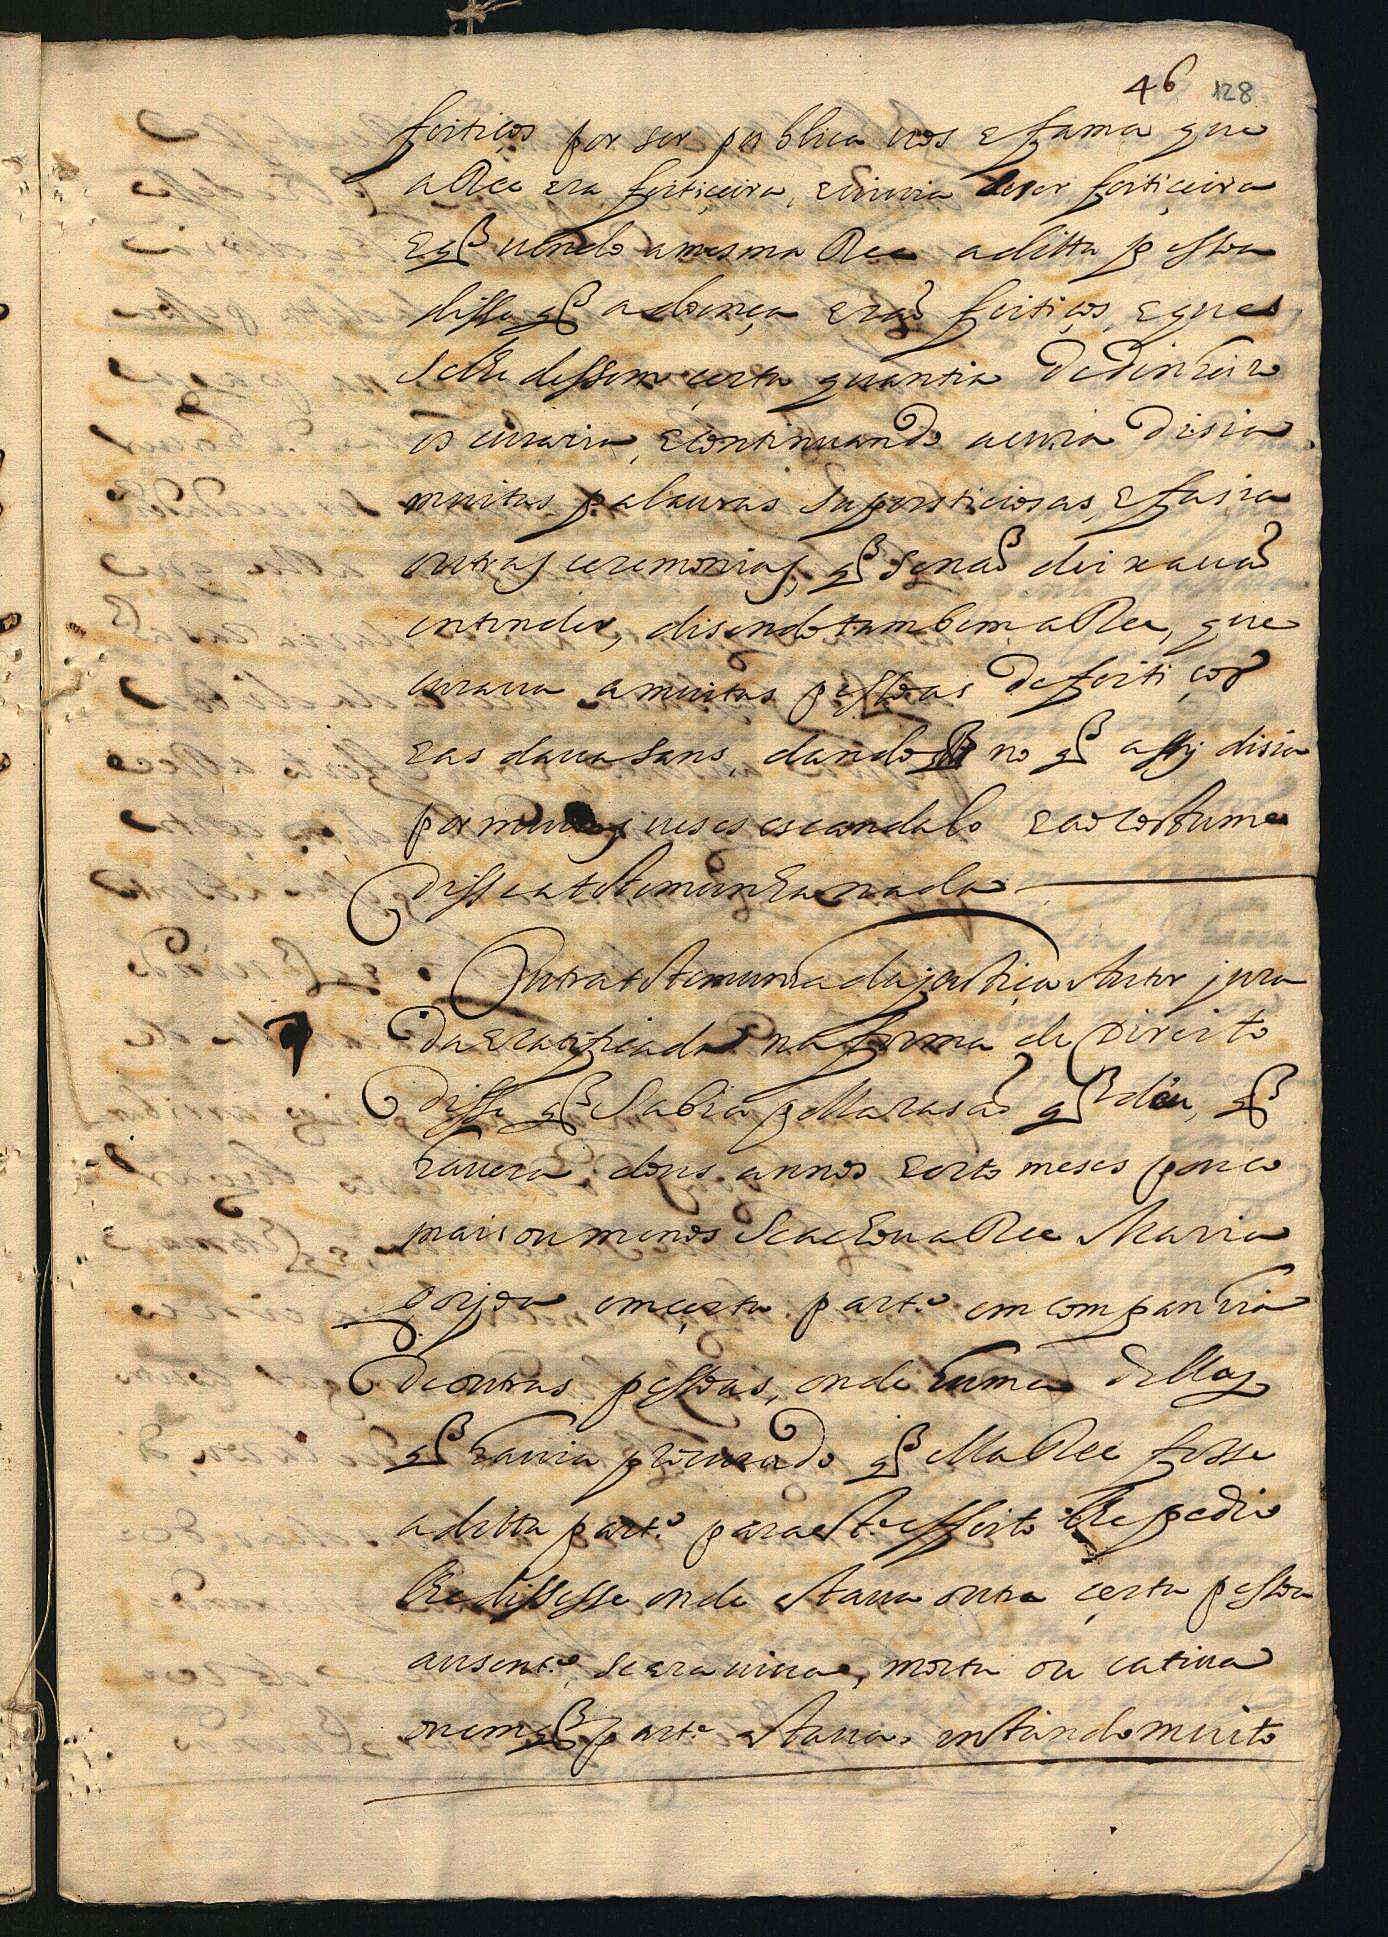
feitiços por ser publica vos E fama que
a Ree Era feiticeira, E uiuia de ser feiticeira
E q̄ uindo a mesma Ree a ditta pessoa
disse q̄ a doença eraõ feitiços, E que
se lhe dessem certa quantia de dinheiro
os curaria, E continuando a cura disia
muitas palauras supersticiosas, E fasia
outras ceremonias, q̄ se não deixauaõ
entender, disendo tambem a Ree, que
curaua a muitas pessoas de feitiços
E as daua sans, dando _ no q̄ assy disia
por mutas ueses escandalo, E ao costume
disse a testemunha nada
Outra testemunha da justiça Autor jura
da E Ratificada na forma de Direito
dise q̄ sabia pella rasaõ q̄ deu, q̄
hauera dous annos E oito meses pouco
mais ou menos se achou a Ree Maria
gorjoa em certa parte em companhia
de outras pessoas, onde huma dellas
q̄ hauia precurado q̄ ella Ree fosse
a ditta parte para este effeito lhe pedio
lhe dissesse onde estaua outra certa pessoa
ausente, se Era uiua, morta ou catiua
ou em q̄ parte estaua, instando muito
